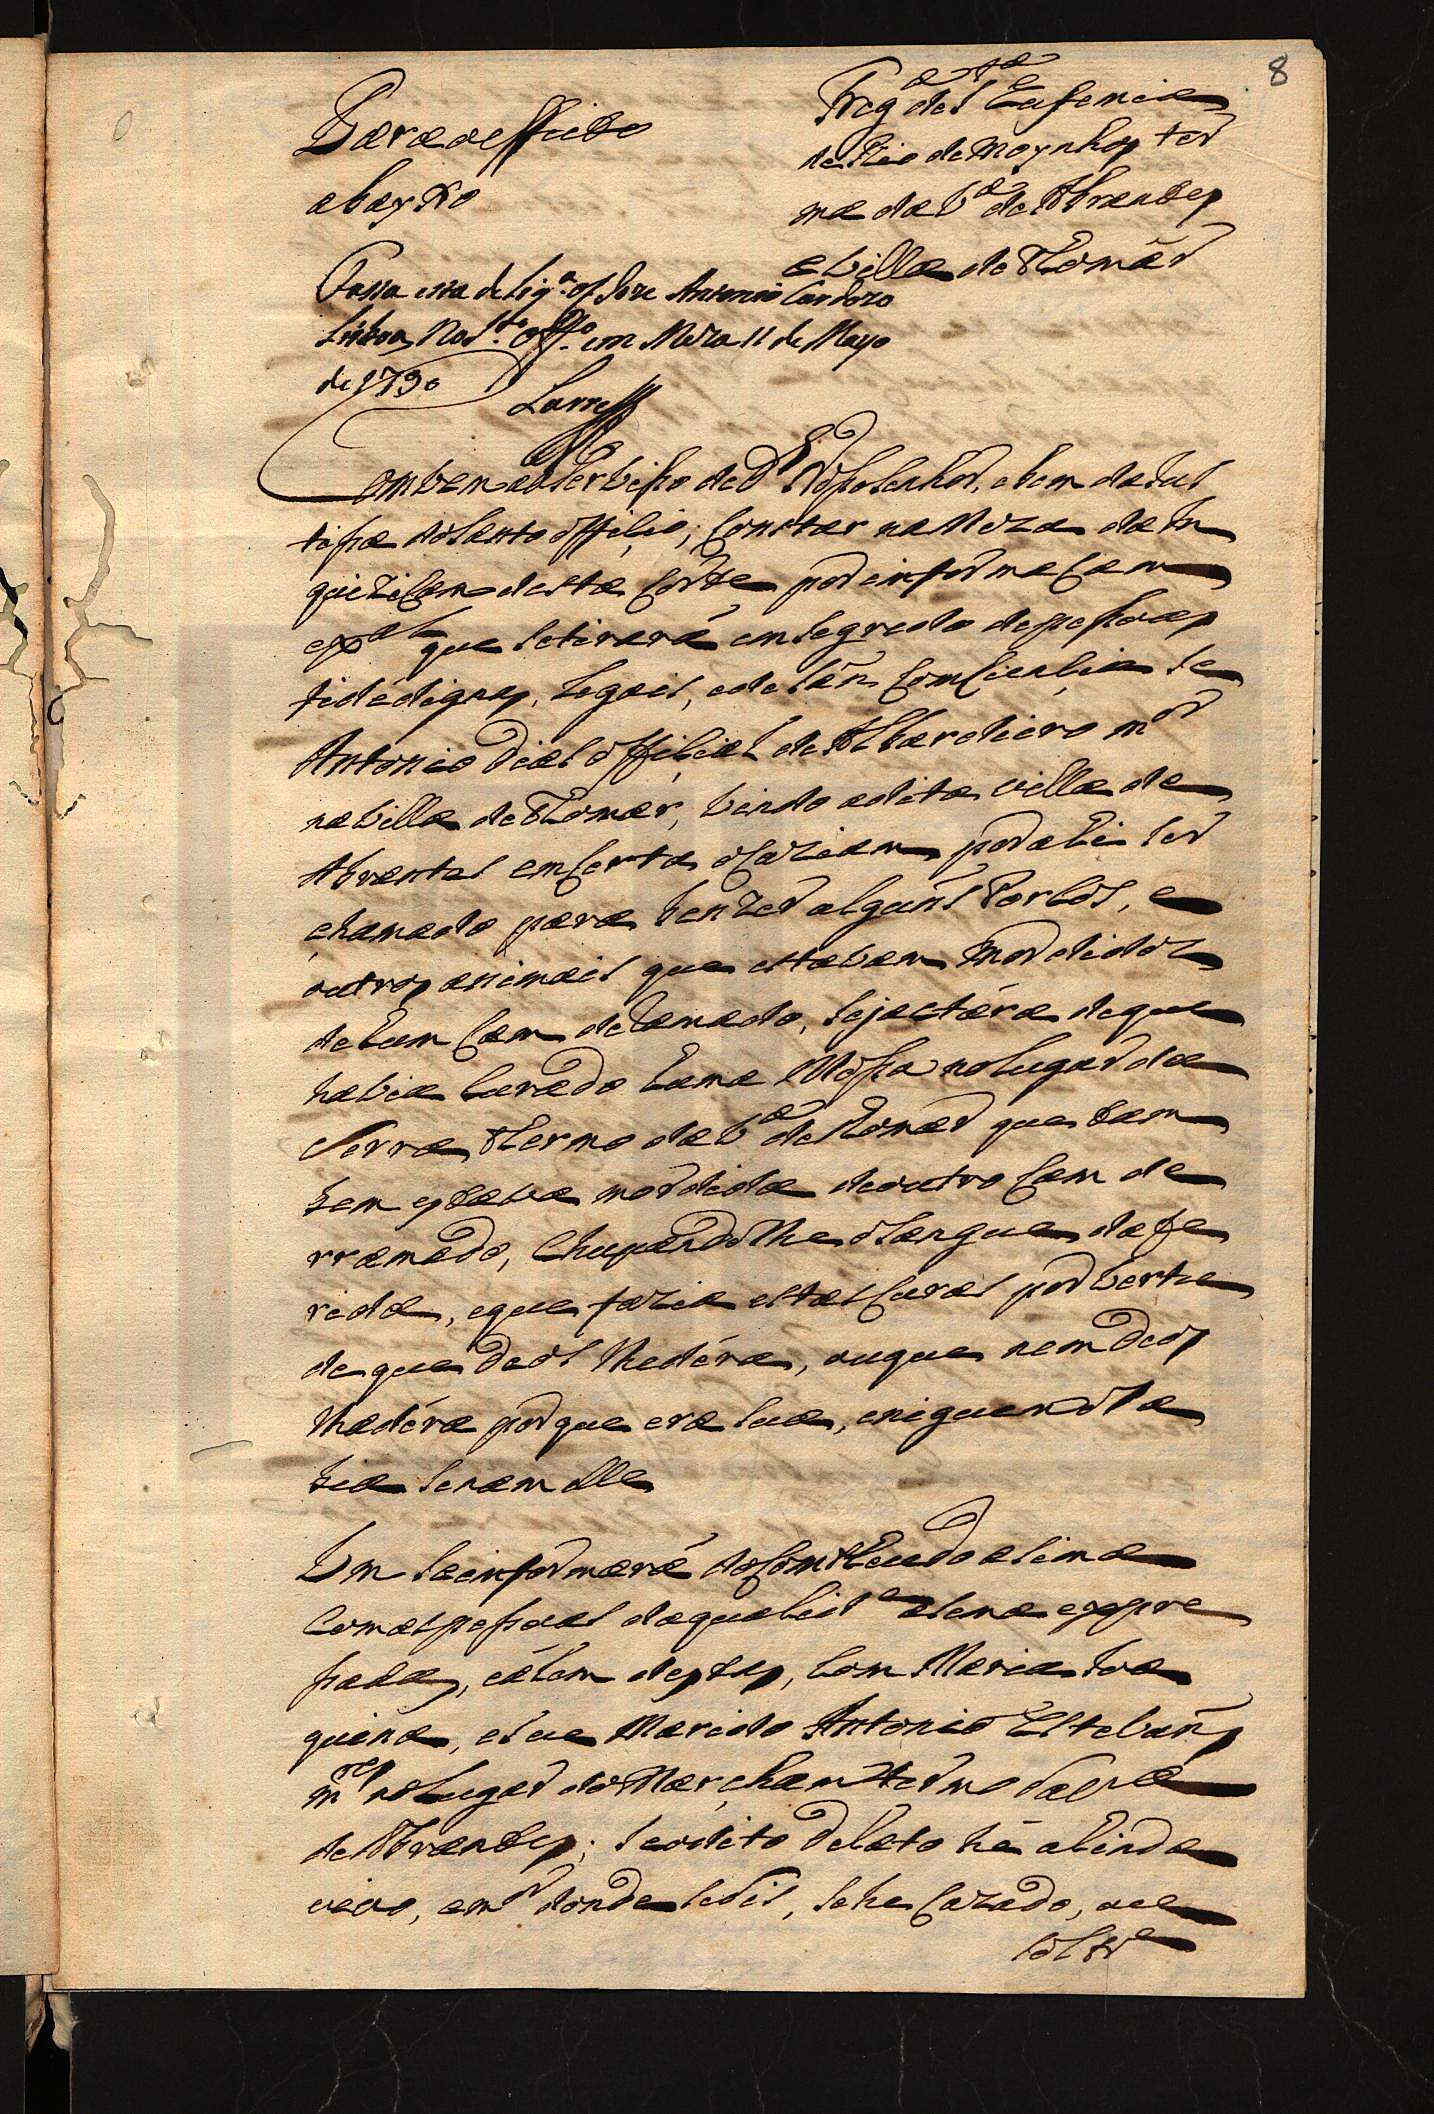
Para o effeito
abayxo
Frega de Sta Eufemia
de Rio de moynhos ter
mo da Va de Abrantes
e Villa de Tomâr
Passa esta delig.a o s Ioze Antonio Cardozo
Lisboa no s.o off.o em Meza 11 de Mayo
de 1790
Comvem ao servisso de D.s Nosso senhor, e bem de Ius
tissa no santo offiçio; Constar na Meza da In
quiZiCam desta Corte por informaCam
exal que se tirará em segredo de pessoas
fidedignas, Legaes, e de sãns ComCiençia se
Antonio dial offiçial de Albareliero mor
na villa de Tomar, vindo a dita villa de
Abrantes em Certa oCaziam por ahi ser
çhamado para benzer alguñs Porcos, e
outros animais que estavam mordidoz
de hum Cam de Ramado, se jactára de que
havia curado huma Mossa no Lugar da
serra o termo da va de Tomar que tam
bem estava mordida de outro Cam de
rramado, chupandolhe o sangue da fe
rida, e que fazia estas curas por vertu
de que deos lhe déra, ou que nem deos
lho déra porque era sua, e niguen o sa
bia se nam elle
Vm se informará do Comtheudo asima
com as pessoas da qualide asema expre
ssadas, e álem destas, com Maria Ioa
quina, e seu Marido Antonio Estevañs
mres no Lugar do Marçham termo da v.a
de Abrantes; se o dito delato hé ahinda
vivo, e mor donde se dis, se he Cazado, ou
soltro
